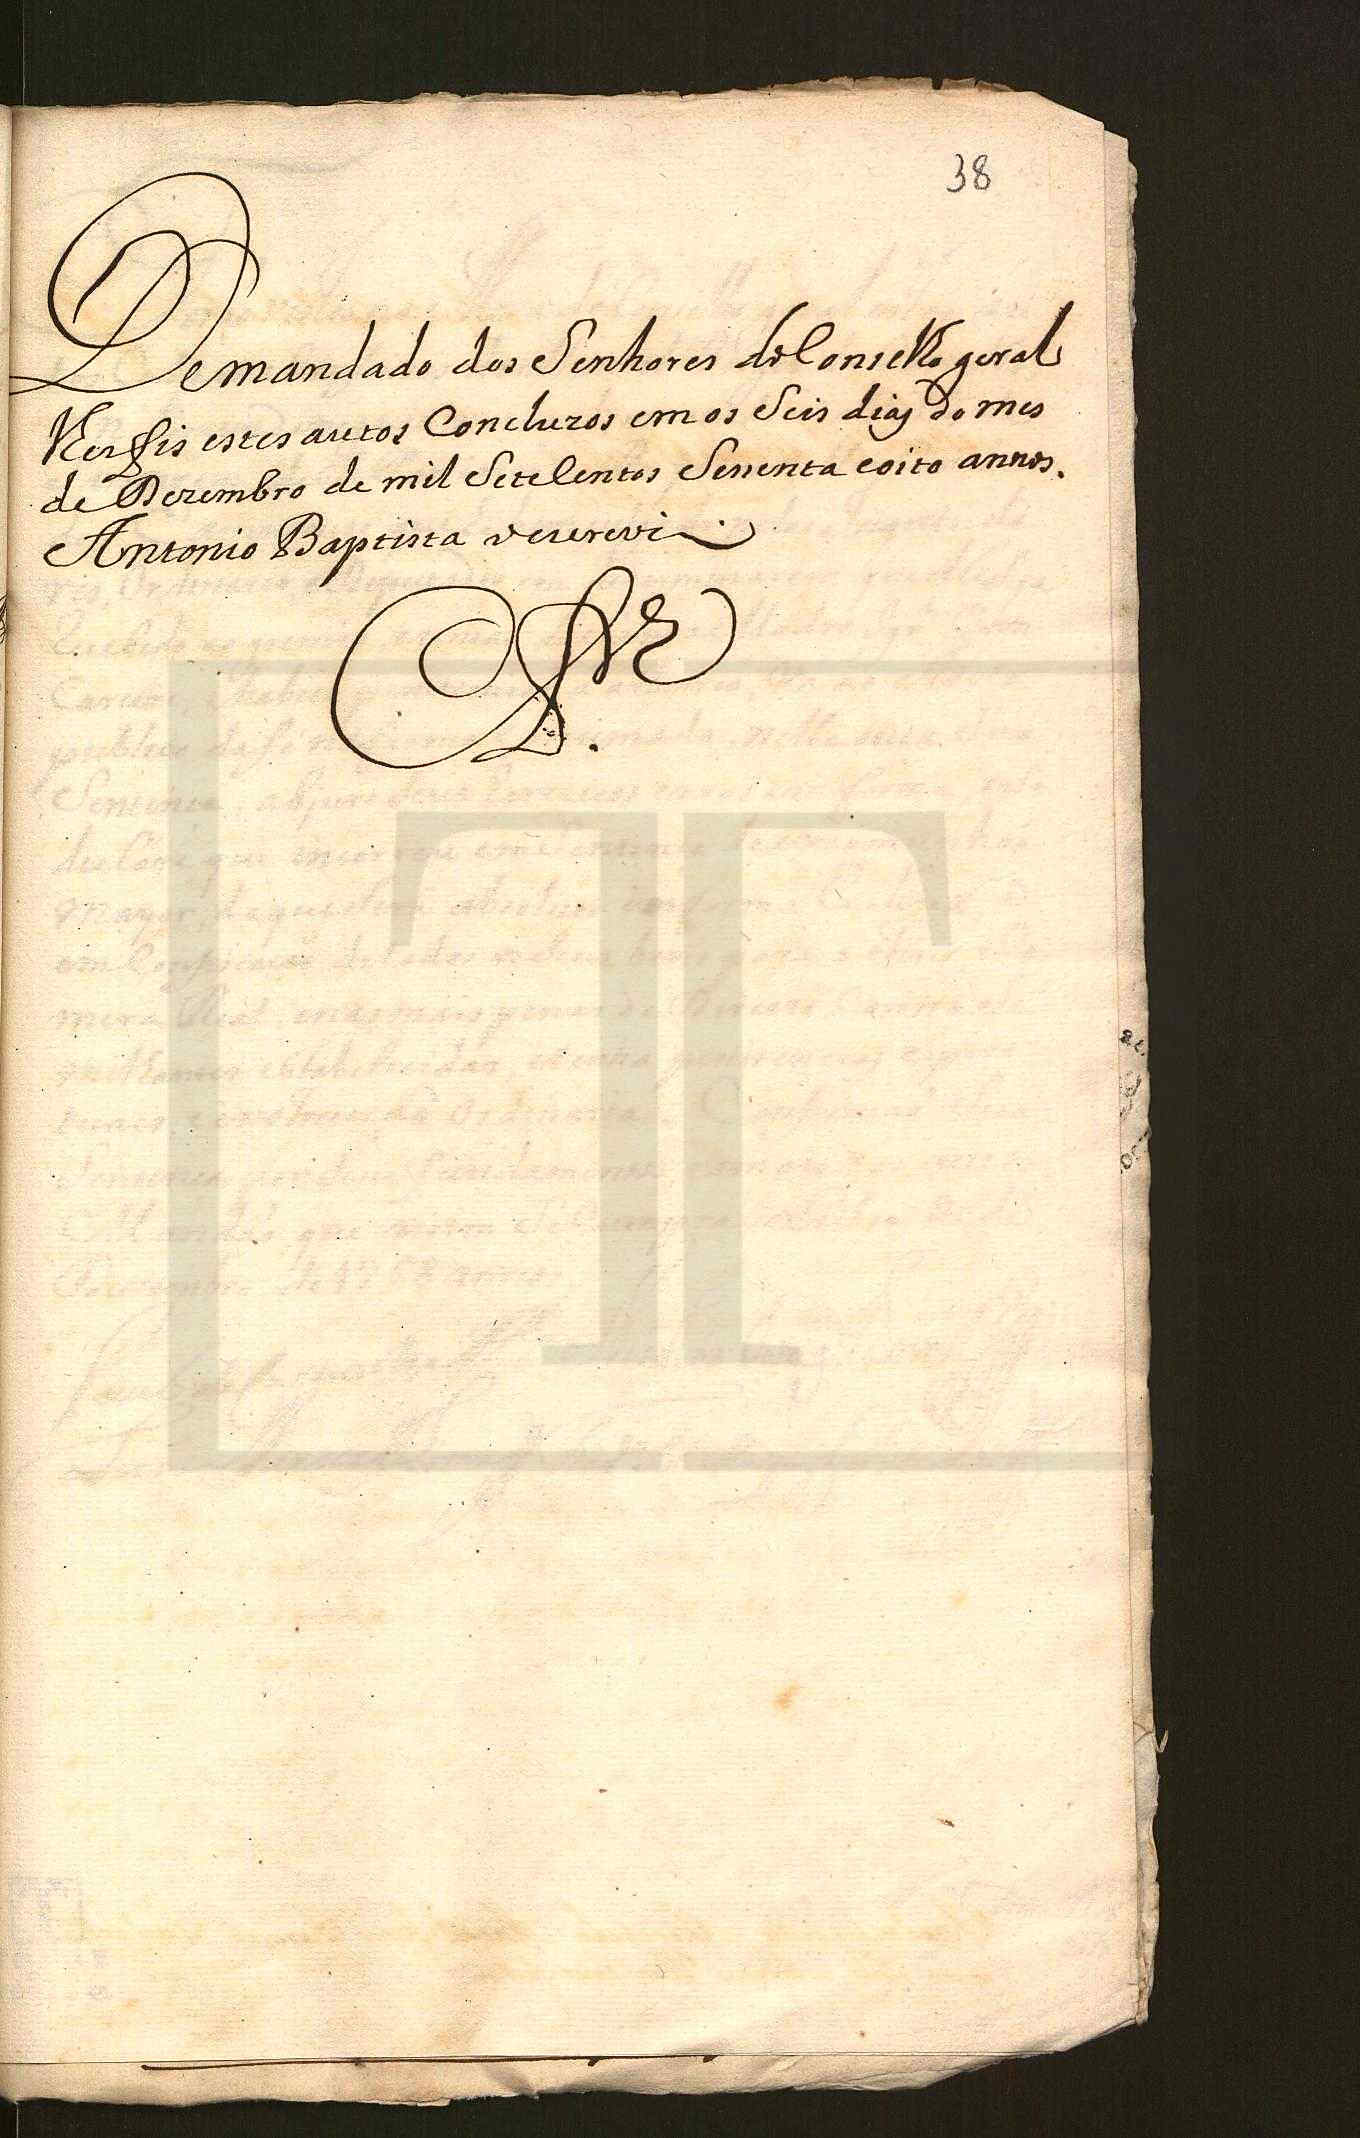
De mandado dos Senhores do Conselho geral
lhes fis estes autos Concluzos em os Seis dias do mes
de Dezembro de mil SeteCentos Sessenta e oito annos.
Antonio Baptista o escrevi.
CL.oz
